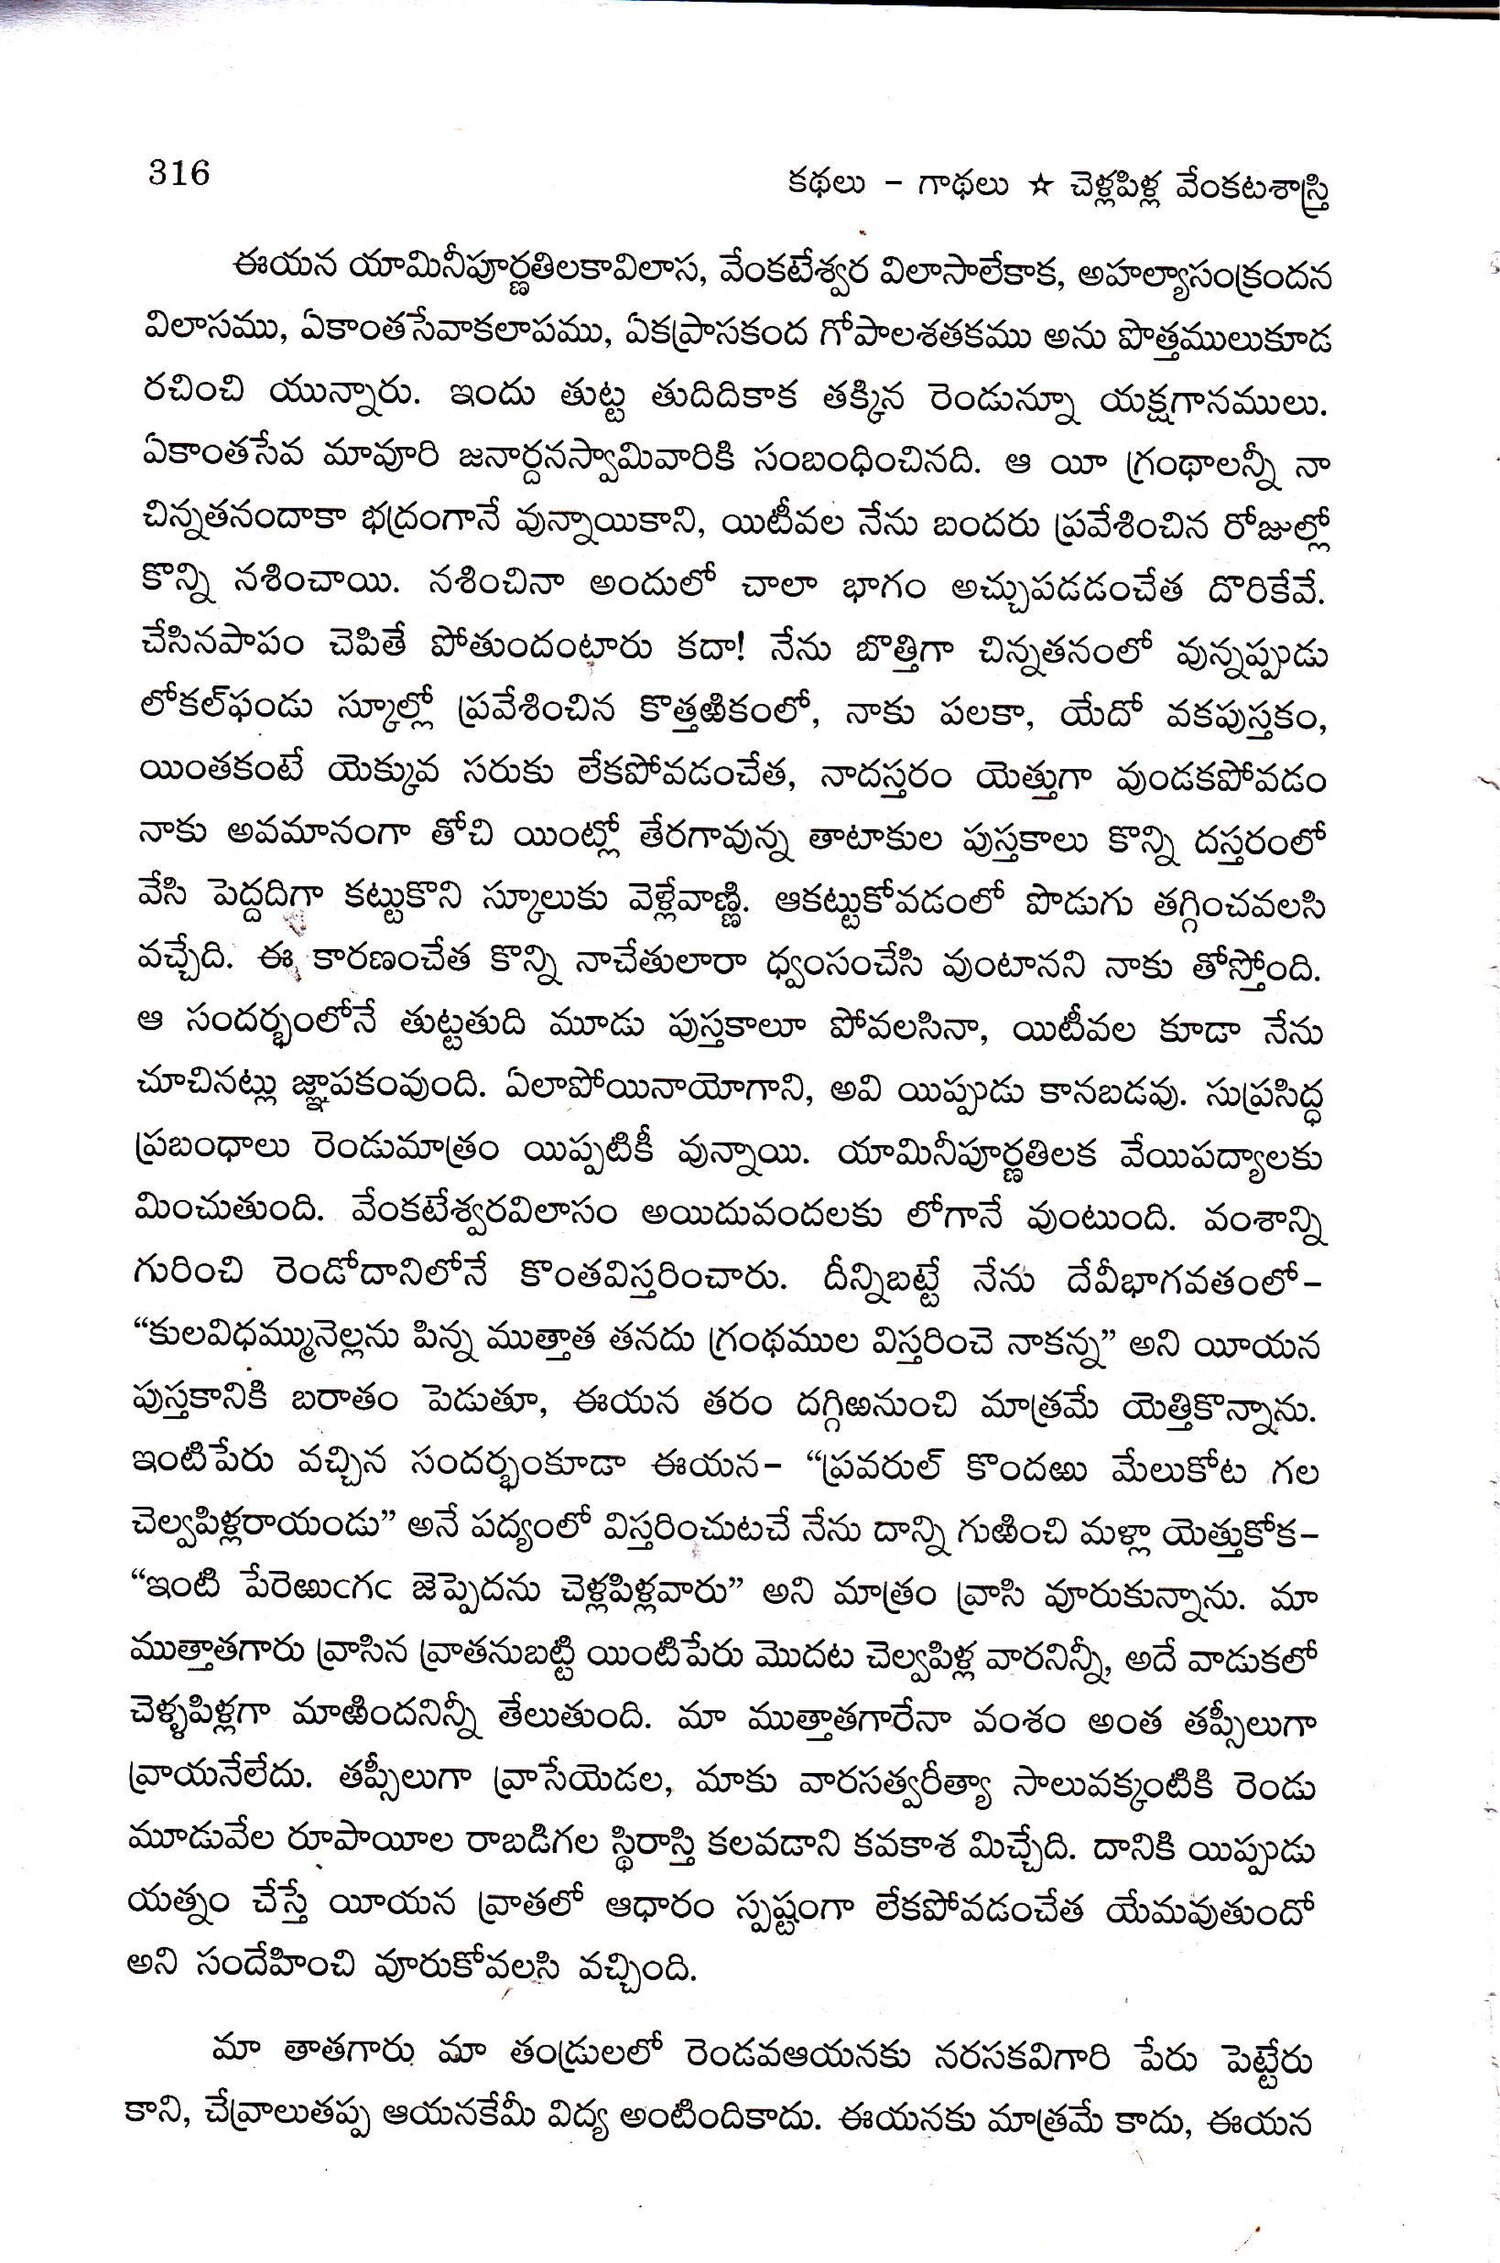ఈయన యామినీపూర్ణతిలకావిలాస, వేంకటేశ్వర విలాసాలేకాక, అహల్యాసంక్రందన విలాసము, ఏకాంతసేవాకలాపము, ఏకప్రాసకంద గోపాలశతకము అను పొత్తములుకూడ రచించి యున్నారు. ఇందు తుట్ట తుదిదికాక తక్కిన రెండున్నూ యక్షగానములు. ఏకాంతసేవ మావూరి జనార్దనస్వామివారికి సంబంధించినది. ఆ యీ గ్రంథాలన్నీ నా చిన్నతనందాకా భద్రంగానే వున్నాయికాని, యిటీవల నేను బందరు ప్రవేశించిన రోజుల్లో కొన్ని నశించాయి. నశించినా అందులో చాలా భాగం అచ్చుపడడంచేత దొరికేవే. చేసినపాపం చెపితే పోతుందంటారు కదా! నేను బొత్తిగా చిన్నతనంలో వున్నప్పుడు లోకల్‌ఫండు స్కూల్లో ప్రవేశించిన కొత్తఱికంలో, నాకు పలకా, యేదో వకపుస్తకం, యింతకంటే యెక్కువ సరుకు లేకపోవడంచేత, నాదస్తరం యెత్తుగా వుండకపోవడం నాకు అవమానంగా తోచి యింట్లో తేరగావున్న తాటాకుల పుస్తకాలు కొన్ని దస్తరంలో వేసి పెద్దదిగా కట్టుకొని స్కూలుకు వెళ్లేవాణ్ణి. ఆకట్టుకోవడంలో పొడుగు తగ్గించవలసి వచ్చేది. ఈ కారణంచేత కొన్ని నాచేతులారా ధ్వంసంచేసి వుంటానని నాకు తోస్తోంది. ఆ సందర్భంలోనే తుట్టతుది మూడు పుస్తకాలూ పోవలసినా, యిటీవల కూడా నేను చూచినట్లు జ్ఞాపకంవుంది. ఏలాపోయినాయోగాని, అవి యిప్పుడు కానబడవు. సుప్రసిద్ధ ప్రబంధాలు రెండుమాత్రం యిప్పటికీ వున్నాయి. యామినీపూర్ణతిలక వేయిపద్యాలకు మించుతుంది. వేంకటేశ్వరవిలాసం అయిదువందలకు లోగానే వుంటుంది. వంశాన్ని గురించి రెండోదానిలోనే కొంతవిస్తరించారు. దీన్నిబట్టే నేను దేవీభాగవతంలో- “కులవిధమ్మునెల్లను పిన్న ముత్తాత తనదు గ్రంథముల విస్తరించె నాకన్న" అని యీయన పుస్తకానికి బరాతం పెడుతూ, ఈయన తరం దగ్గిఱనుంచి మాత్రమే యెత్తికొన్నాను. ఇంటిపేరు వచ్చిన సందర్భంకూడా ఈయన- “ప్రవరుల్ కొందఱు మేలుకోట గల చెల్వపిళ్లరాయండు” అనే పద్యంలో విస్తరించుటచే నేను దాన్ని గుఱించి మళ్లాయెత్తుకోక-“ఇంటి పేరెఱుఁగఁ జెప్పెదను చెళ్లపిళ్లవారు" అని మాత్రం వ్రాసి వూరుకున్నాను. మా ముత్తాతగారు వ్రాసిన వ్రాతనుబట్టి యింటిపేరు మొదట చెల్వపిళ్ల వారనిన్నీ అదే వాడుకలో చెళ్ళపిళ్లగా మాఱిందనిన్నీ తేలుతుంది. మా ముత్తాతగారేనా వంశం అంత తప్సీలుగా వ్రాయనేలేదు. తప్సీలుగా వ్రాసేయెడల, మాకు వారసత్వరీత్యా సాలువక్కంటికి రెండు మూడువేల రూపాయిల రాబడిగల స్థిరాస్తి కలవడాని కవకాశ మిచ్చేది. దానికి యిప్పుడు యత్నం చేస్తే యీయన వ్రాతలో ఆధారం స్పష్టంగా లేకపోవడంచేత యేమవుతుందో అని సందేహించి వూరుకోవలసి వచ్చింది.

మా తాతగారు మా తండ్రులలో రెండవఆయనకు నరసకవిగారి పేరు పెట్టేరు కాని, చేవ్రాలుతప్ప ఆయనకేమీ విద్య అంటిందికాదు. ఈయనకు మాత్రమే కాదు, ఈయన